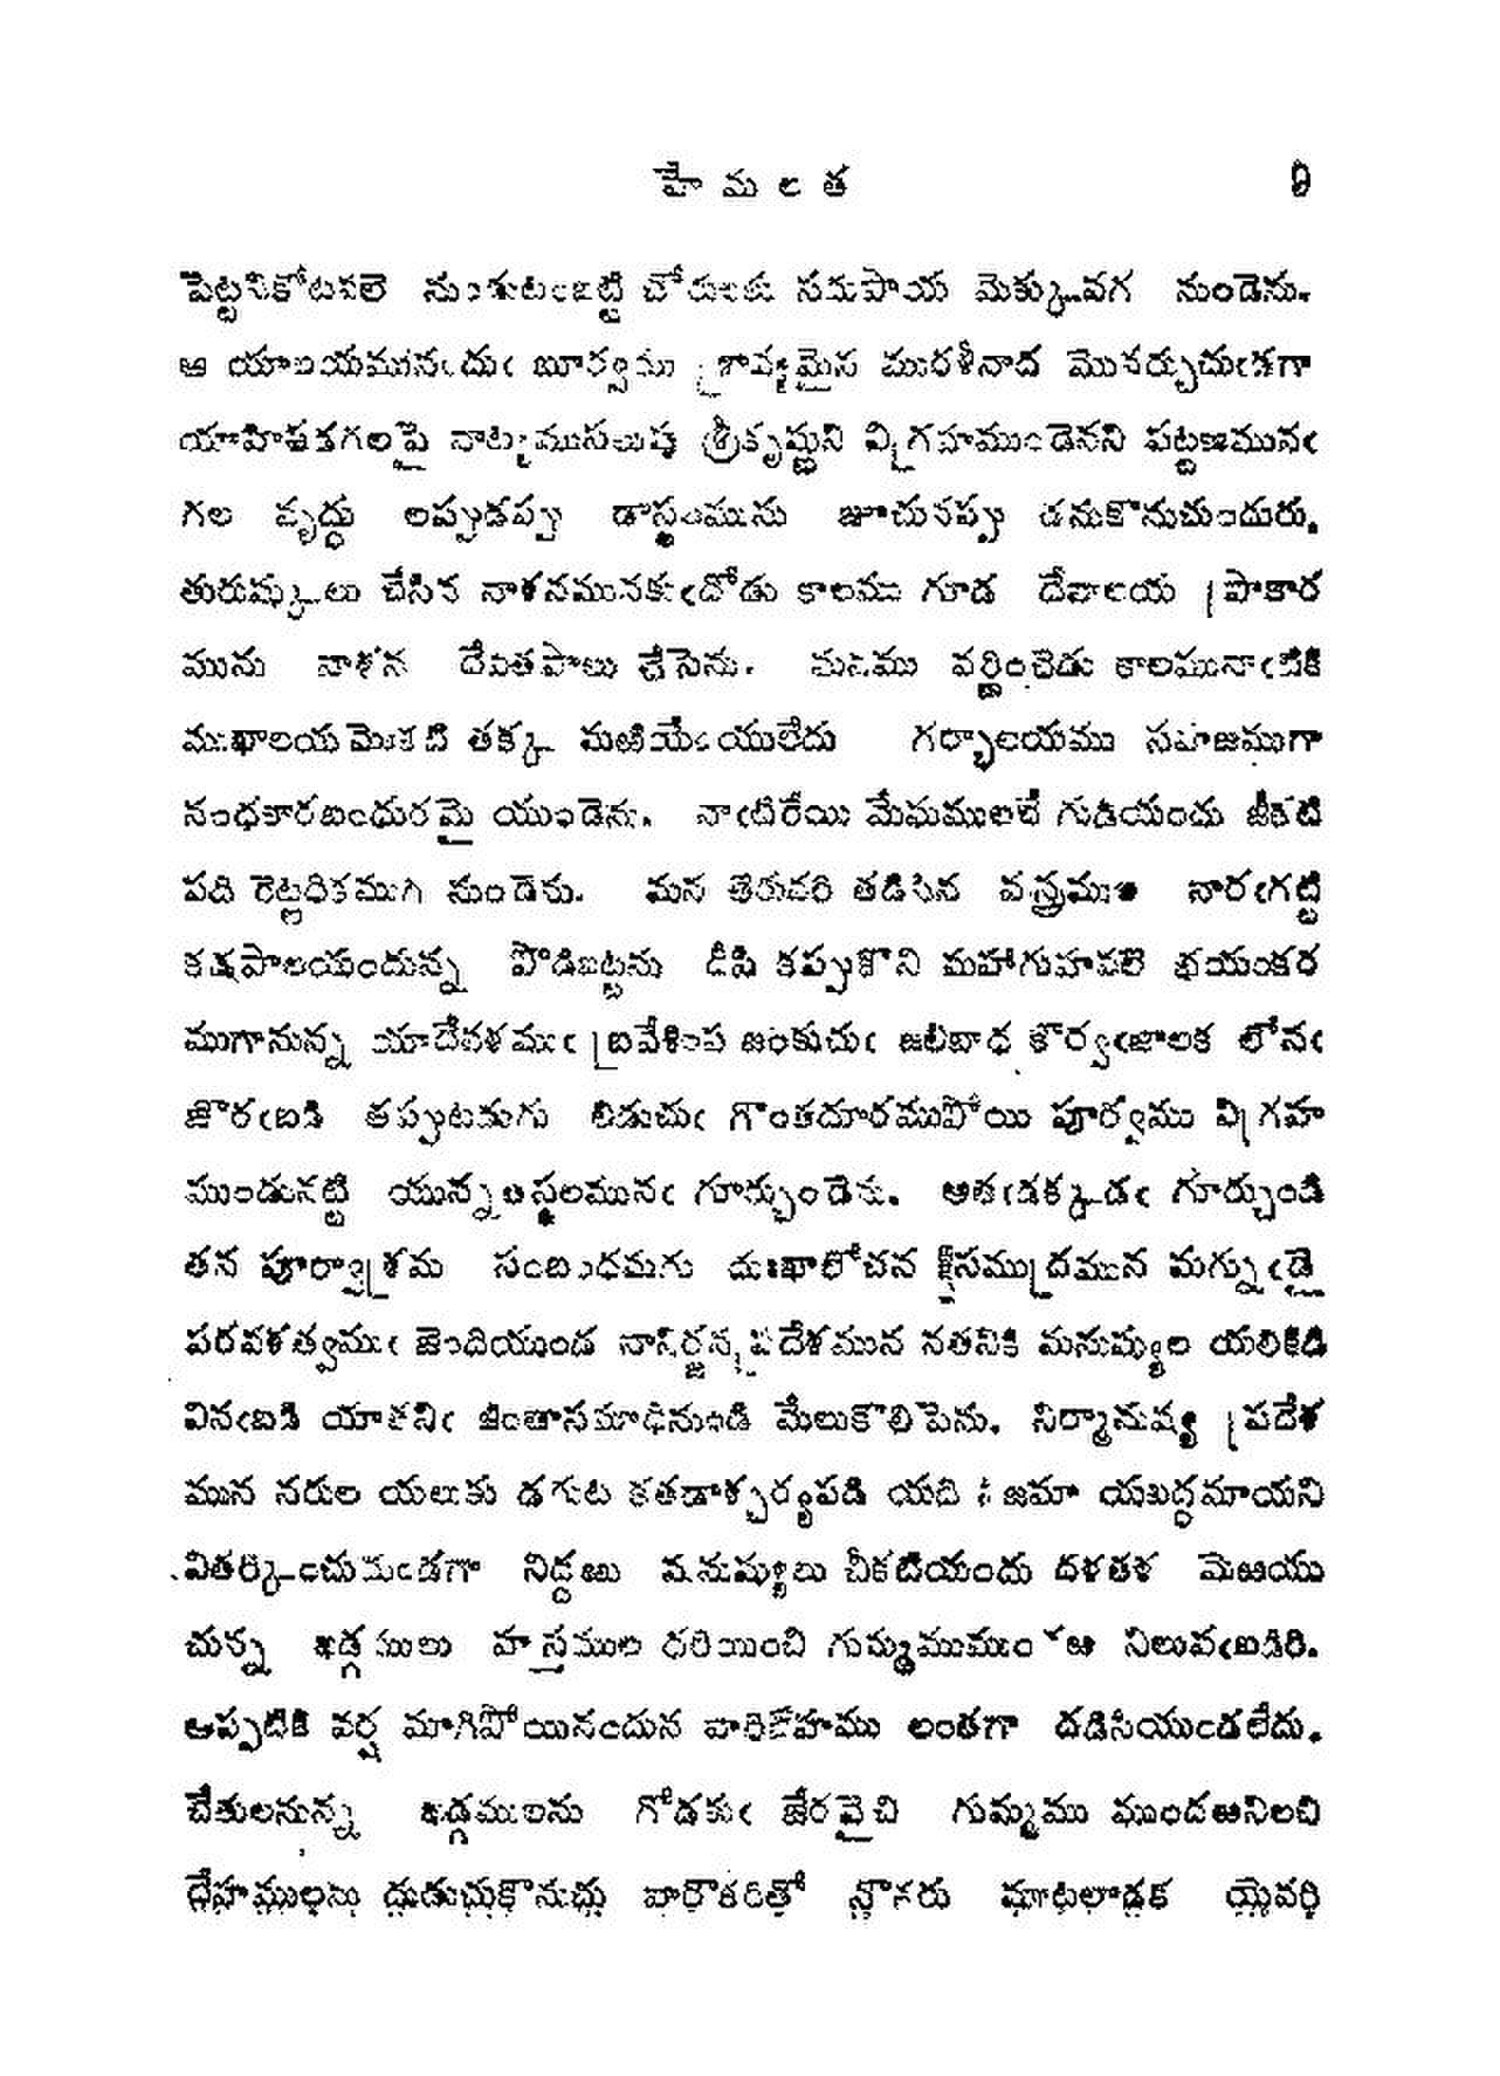పెట్టనికోటవలె నుండుటఁబట్టి చోరులకు సదుపాయ మెక్కువగ నుండెను. ఆ యాలయమునందుఁ బూర్వము శ్రావ్యమైన మురళీనాద మొనర్చుచుండగా యాహిపడగలపై నాట్యముసలుపు శ్రీకృష్ణుని విగ్రహముండెనని పట్టణమునఁ గల వృద్ధు లప్పుడప్పు డాస్థలమును జూచునప్పు డనుకొనుచుందురు. తురుష్కులు చేసిన నాశనమునకుఁదోడు కాలము గూడ దేవాలయ ప్రాకారమును నాశన దేవతపాలు చేసెను. మనము వర్ణించెడు కాలమునాఁటికి ముఖాలయమొకటి తక్క మఱియేమియులేదు. గర్భాలయము సహజముగా నంధకారబంధురమై యుండెను. నాఁటిరేయి మేఘములచే గుడియందు జీకటి పది రెట్లధికముగ నుండెను. మన తెరువరి తడిపిన వస్త్రముల నారఁగట్టి కక్షపాలయందున్న పొడిబట్టను దీసి కప్పుకొని మహాగుహవలె భయంకరముగానున్న యాదేవళముఁ బ్రవేశింప జంకుచుఁ జలిబాధ కోర్వఁజాలక లోనఁ జొరఁబడి తప్పుటడుగు లిడుచుఁ గొంతదూరముపోయి పూర్వము విగ్రహ ముండునట్టి యున్నత స్థలమునఁ గూర్చుండెను. అక్కడక్కడఁ గూర్చుండి తన పూర్వాశ్రమ సంబంధమగు దుఃఖాలోచన సముద్రమున మగ్నుఁడై పరవశత్వముఁ జెందియుండ నానిర్జన ప్రదేశమున నతనికి మనుష్యుల యలికిడి వినఁబడి యాతనిఁ జింతాసమాధినుండి మేలుకొలిపెను. నిర్మానుష్య ప్రదేశమున నరుల యలుకు డగుట కతడాశ్చర్యపడి యది నిజమా యబద్ధమాయని వితర్కించుచుండగా నిద్దఱు మనుష్యులు చీకటియందు దళతళ మెఱయుచున్న ఖడ్గములు హస్తముల ధరియించి గుమ్మముముందఱ నిలువఁబడిరి. అప్పటికి వర్ష మాగిపోయినందున వారిదేహము లంతగా దడిసియుండలేదు. చేతులనున్న ఖడ్గములను గోడకుఁ జేరవైచి గుమ్మము ముందఱనిలచి దేహములను దుడుచుకొనుచు వారొకరితో నొకరు మాటలాడక యెవరి